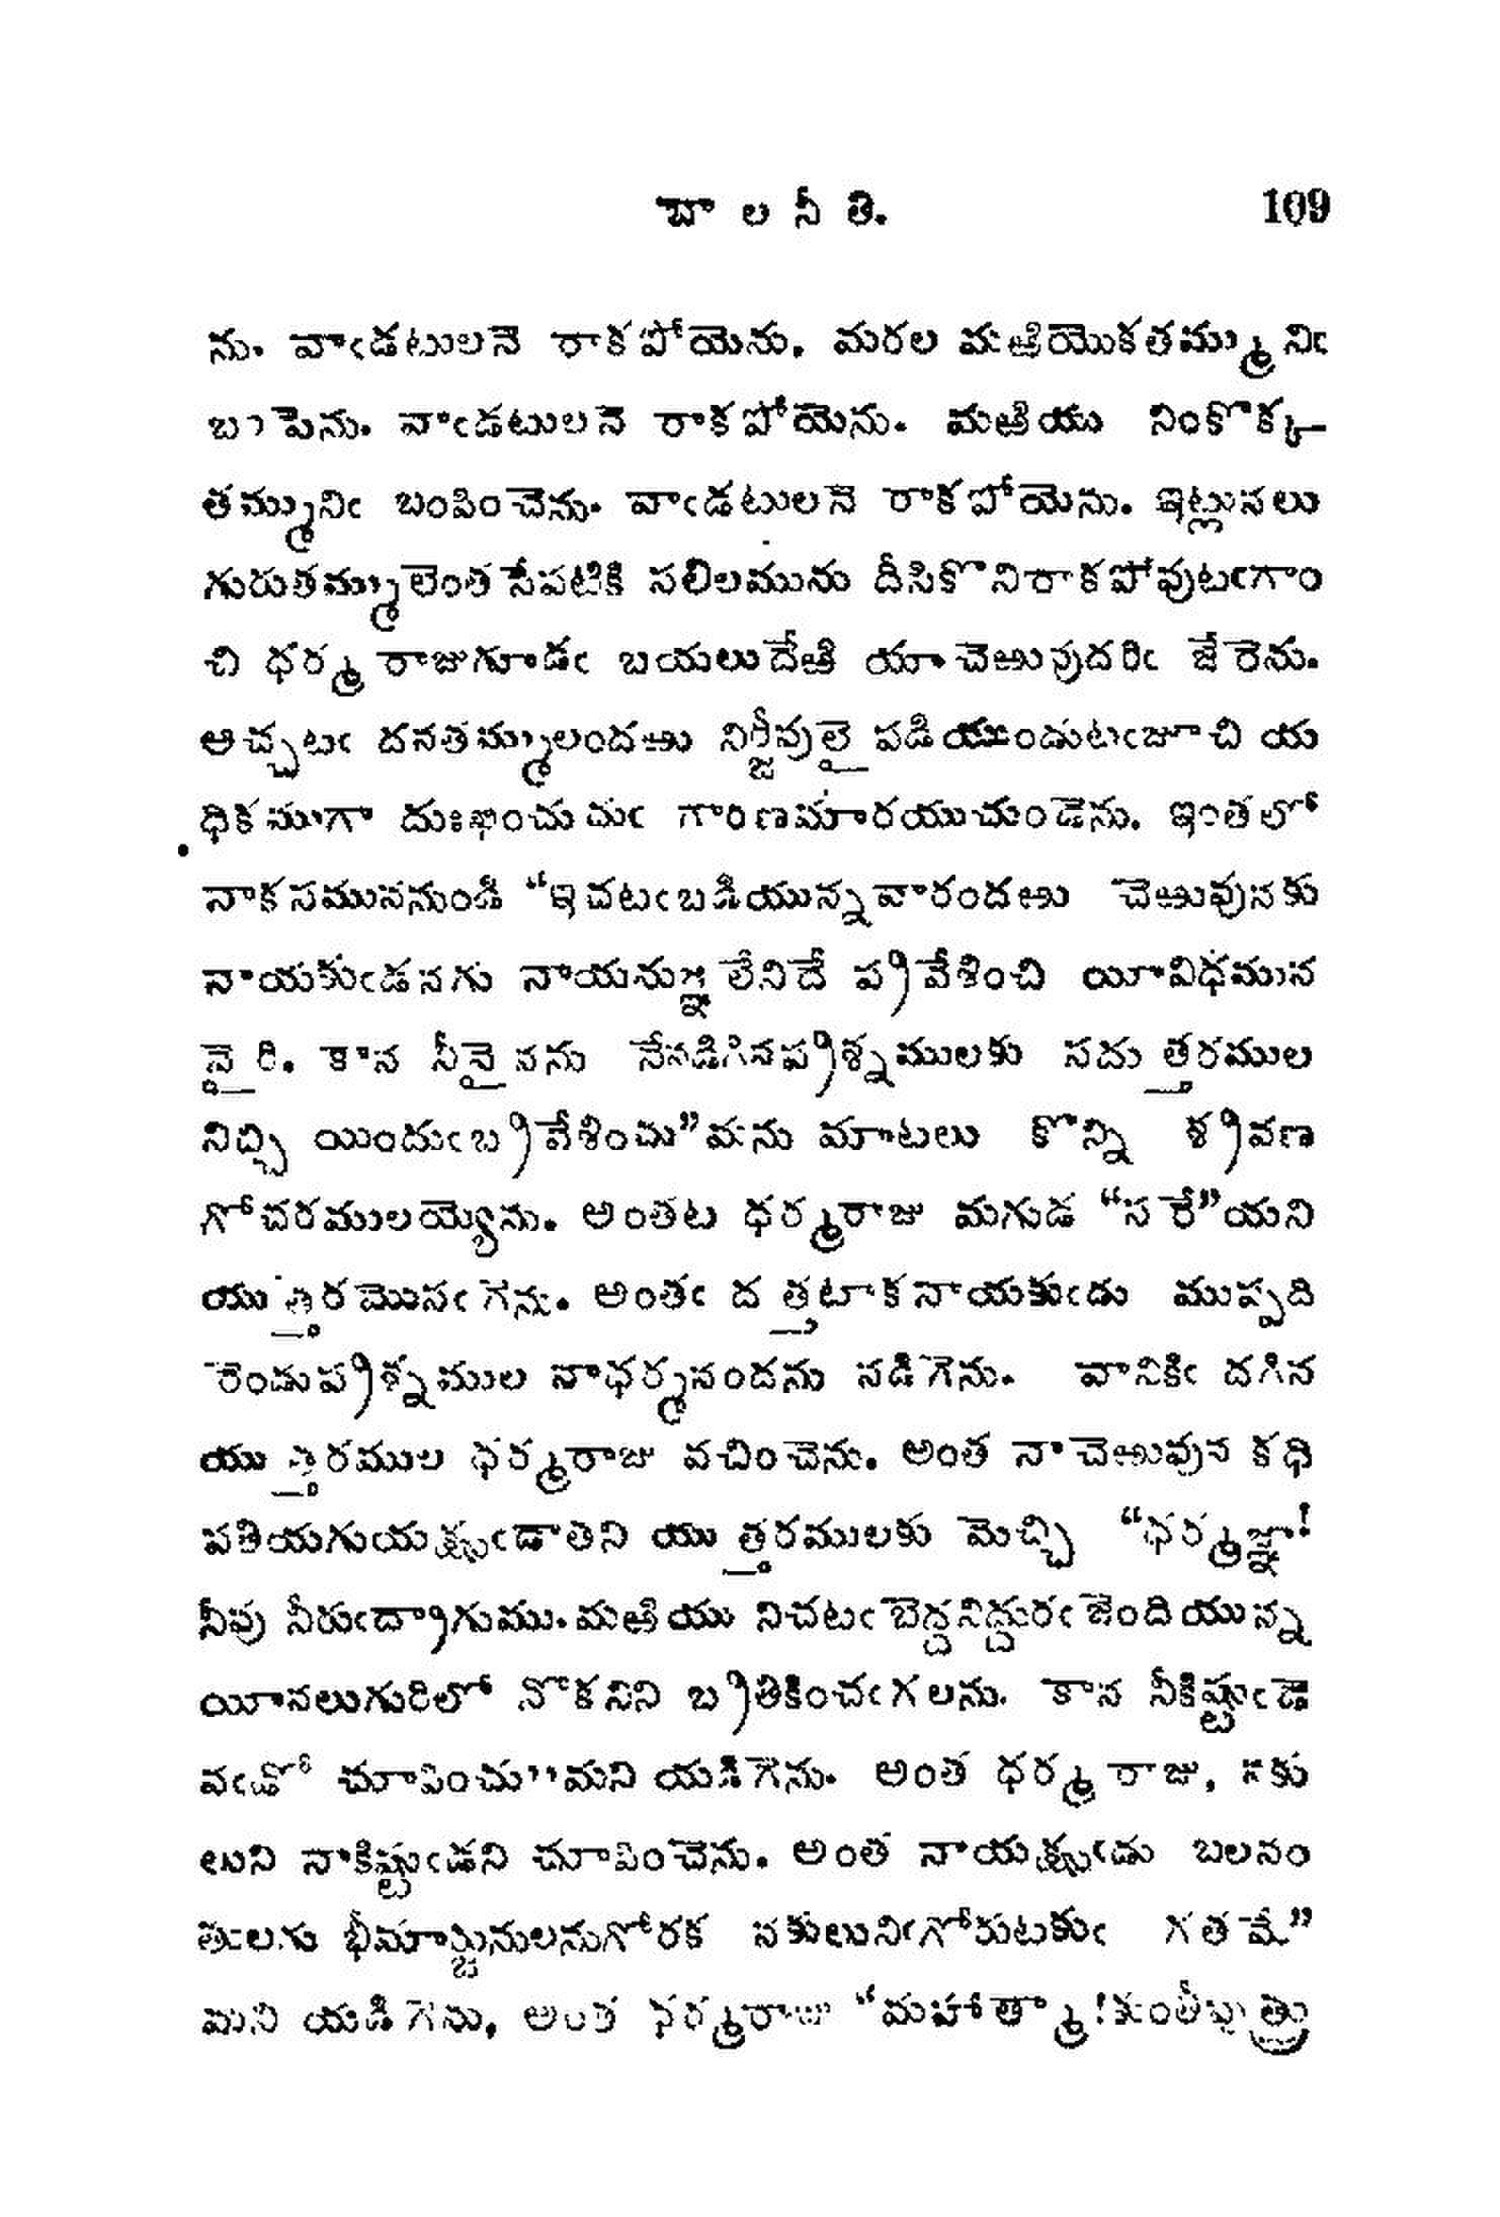ను. వాఁడటులనె రాకపోయెను. మరల మఱియొకతమ్మునిఁ 
బంపెను. వాఁడటులనె రాకపోయెను. మఱియు నింకొక్క
తమ్మునిఁ బంపించెను. వాఁడటులనె రాకపోయెను. ఇట్లునలు
గురుతమ్ములెంతసేపటికి సలిలమును దీసికొనిరాకపోవుటగాం
చి ధర్మరాజుగూడఁ బయలుదేఱి యా చెఱువుదరిఁ జేరెను. 
అచ్చటఁ దనతమ్ములందఱు నిర్జీవులైపడియుండుటఁజూచి య
ధికముగా దుఃఖించుచుఁ గారణమారయుచుండెను. ఇంతలో 
నాకసముననుండి "ఇచటఁబడియున్నవారందఱు చెఱువునకు 
నాయకుఁడనగు నాయనుజ్ఞ లేనిదే ప్రవేశించి యీవిధమున 
నైరి. కాన నీవైనను నేనడిగినప్రశ్నములకు సదుత్తరముల
నిచ్చి యిందుఁబ్రవేశించు" మను మాటలు కొన్ని శ్రవణ
గోచరములయ్యెను. అంతట ధర్మరాజు మగుడ "సరే" యని 
యుత్తరమొసఁగెను. అంతఁ దత్తటాకనాయకుఁడు ముప్పది 
రెండుప్రశ్నముల నాధర్మనందను నడిగెను. వానికిఁ దగిన 
యుత్తరముల ధర్మరాజు వచించెను. అంత నాచెఱువున కధి
పతియగుయక్షుఁడాతని యుత్తరములకు మెచ్చి "ధర్మజ్ఞా! 
నీవు నీరుఁద్రాగుము. మఱియు నిచటఁబెద్దనిద్దురఁజెందియున్న 
యీనలుగురిలో నొకనిని బ్రతికించఁగలను. కాన నీకిష్టుఁడె
వఁడో చూపించు"మని యడిగెను. అంత ధర్మరాజు, నకు
లుని నాకిష్టుఁడని చూపించెను. అంత నాయక్షుఁడు బలవం
తులగు భీమార్జునులనుగోరక నకులునిఁగోరుటకుఁ గతమే" మ
ని యడిగెను. అంత ధర్మరాజు "మహాత్మా! కుంతీపుత్త్రు